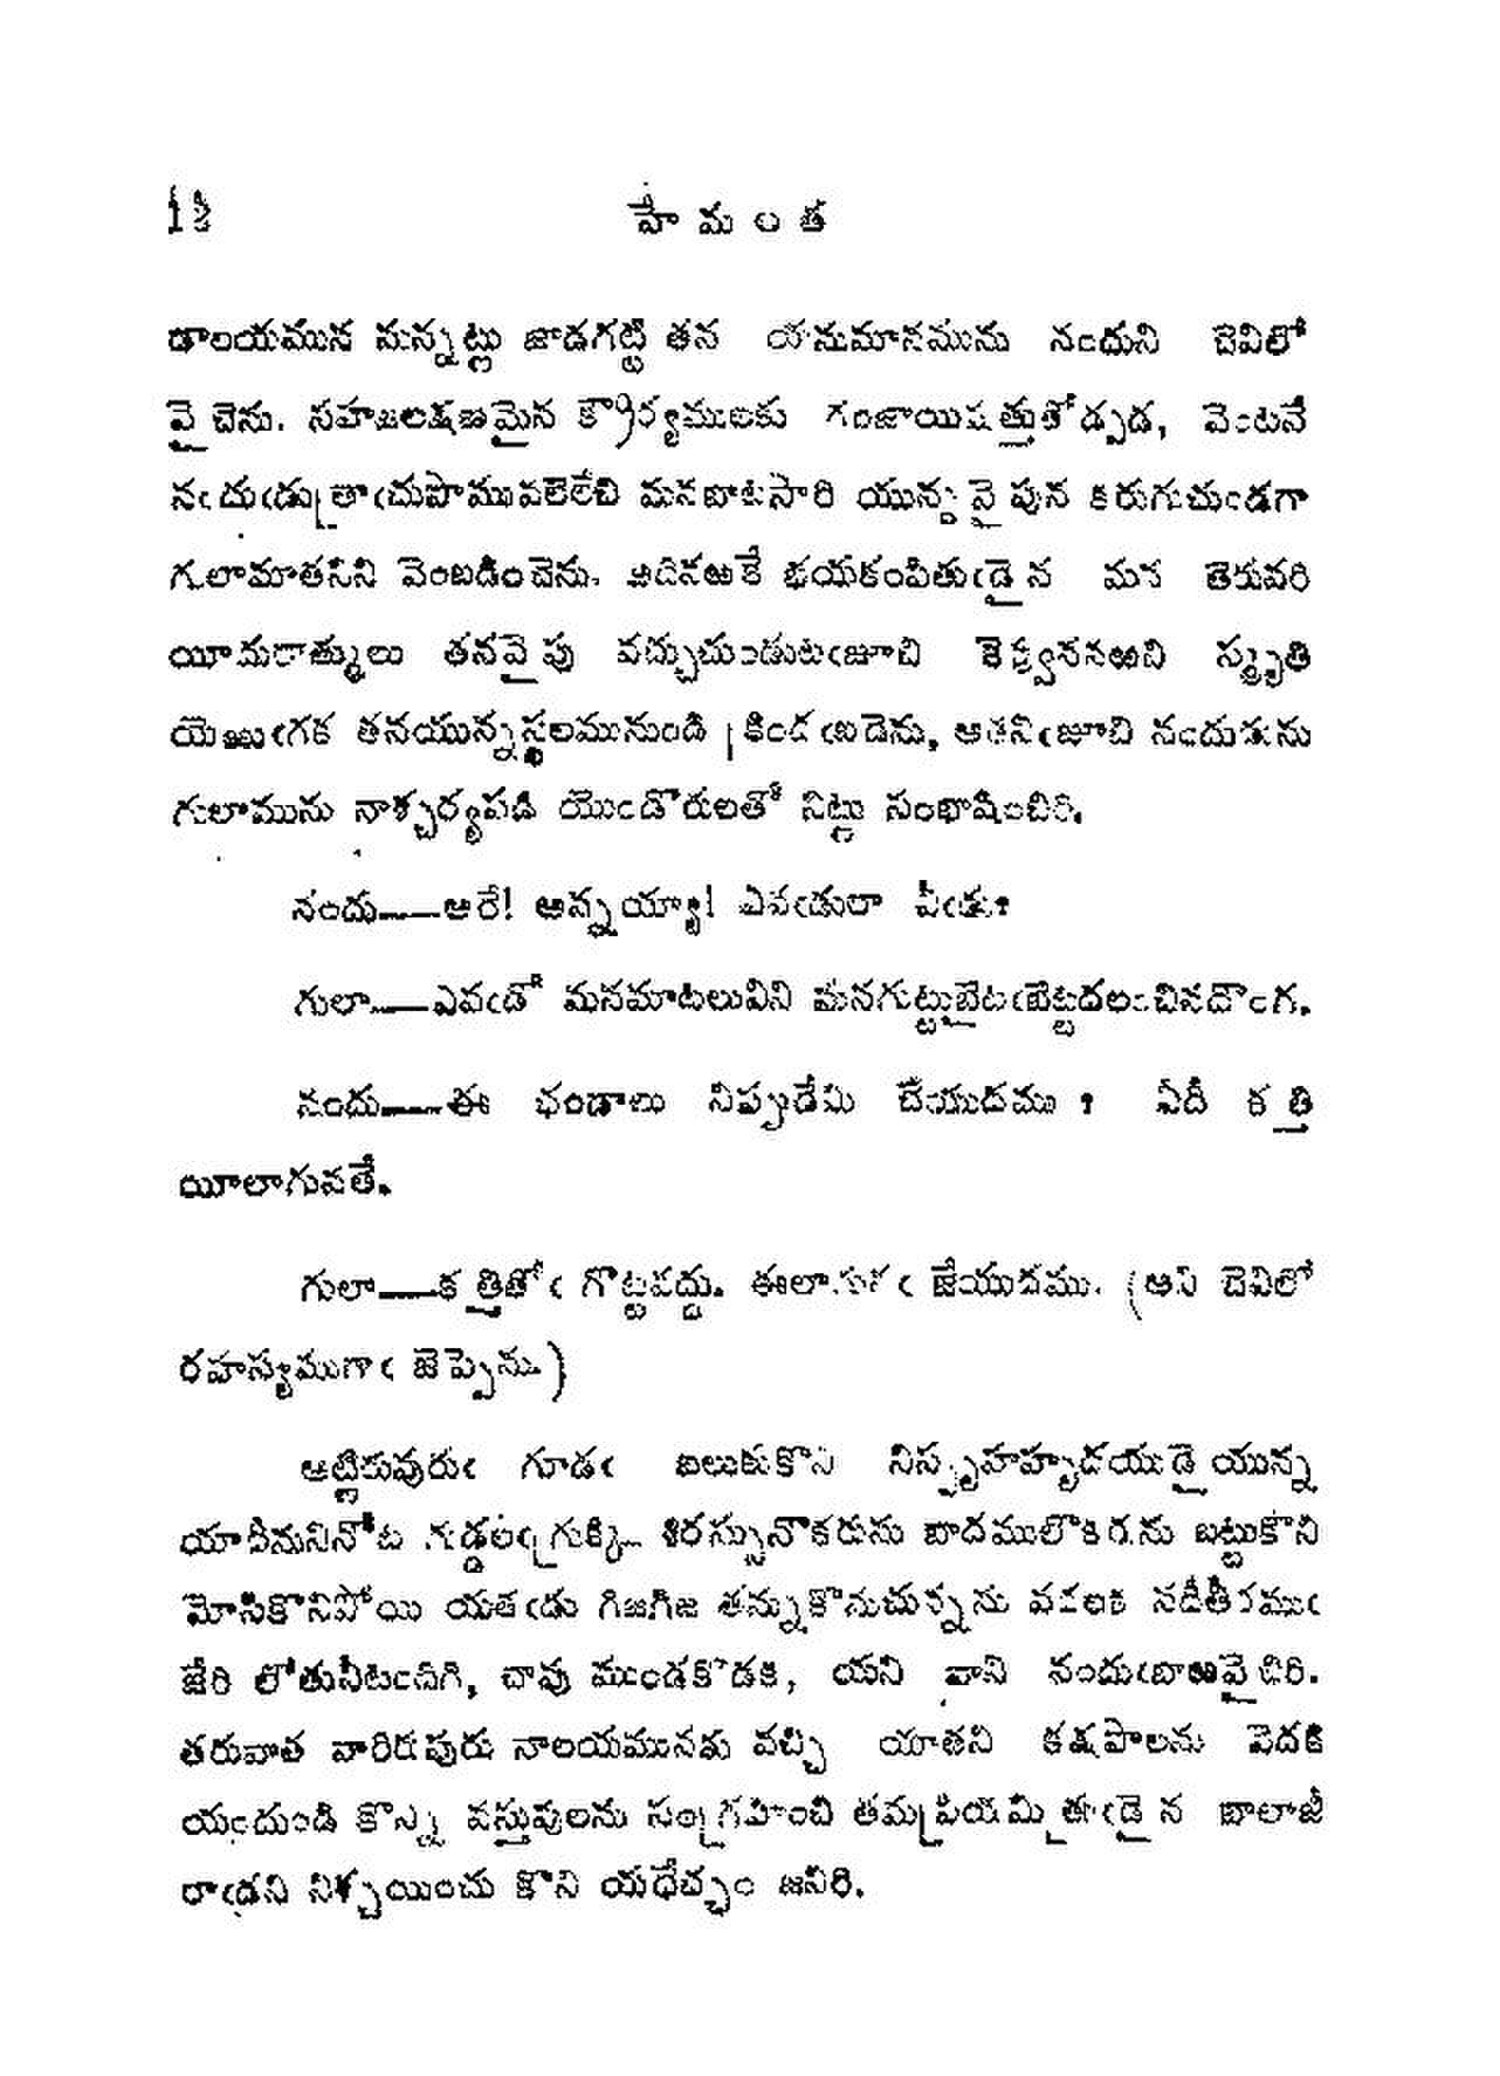డాలయమున నున్నట్లు జాడగట్టి తన యనుమానమును నందుని చెవిలో వైచెను. సహజలక్షణమైన క్రౌర్యములకు గంజాయిమత్తు తోడ్పడ, వెంటనే నందుఁడు త్రాఁచుపామువలె లేచి మనబాటసారి యున్న వైపున కరుగుచుండగా గలామాతనిని వెంబడించెను. అదివఱకే భయకంపితుఁడైన మన తెరువరి
యీ దురాత్ములు తనవైపు వచ్చుచుండుటఁజూచి కెవ్వుననఱచి స్మృతి యెఱుఁగక తనయున్నస్థలమునుండి క్రిందఁబడెను, ఆతనిఁజూచి నందుడును గులామును నాశ్చర్యపడి యొండొరులతో నిట్లు సంభాషించిరి.

నందు – అరే! అన్నయ్య! ఎవఁడురా వీఁడు?

గులా – ఎవఁడో మనమాటలువిని మనగుట్టుబైటఁబెట్టదలంచినదొంగ.

నందు – ఈ ఛండాలు నిప్పుడేమి చేయుదము? ఏదీ కత్తి యిలాగునతే.

గులా – కత్తితోఁ గొట్టవద్దు. ఈలాగునఁ జేయుదము. (అని చెవిలో రహస్యముగాఁ జెప్పెను)

అట్లిరువురుఁ గూడఁ బలుకుకొని నిస్పృహహృదయుడై యున్న యాదీనునినోట గడ్డలంగ్రుక్కి శిరస్సునొకరును బాదములొకరును బట్టుకొని మోసికొనిపోయి యతండు గిజగిజ తన్నుకొనుచున్నను వదలక నదీతీరముఁ జేరి లోతునీటఁదిగి, చావు ముండకొడక, యని వాని నందుఁబాఱవైచిరి. తరువాత వారిరువురు నాలయమునకు వచ్చి యాతని కక్షపాలను వెదకి యందుండి కొన్ని వస్తువులను సంగ్రహించి తమ ప్రియమిత్రుడై న బాలాజీ రాఁడని నిశ్చయించుకొని యధేచ్ఛం జనిరి.